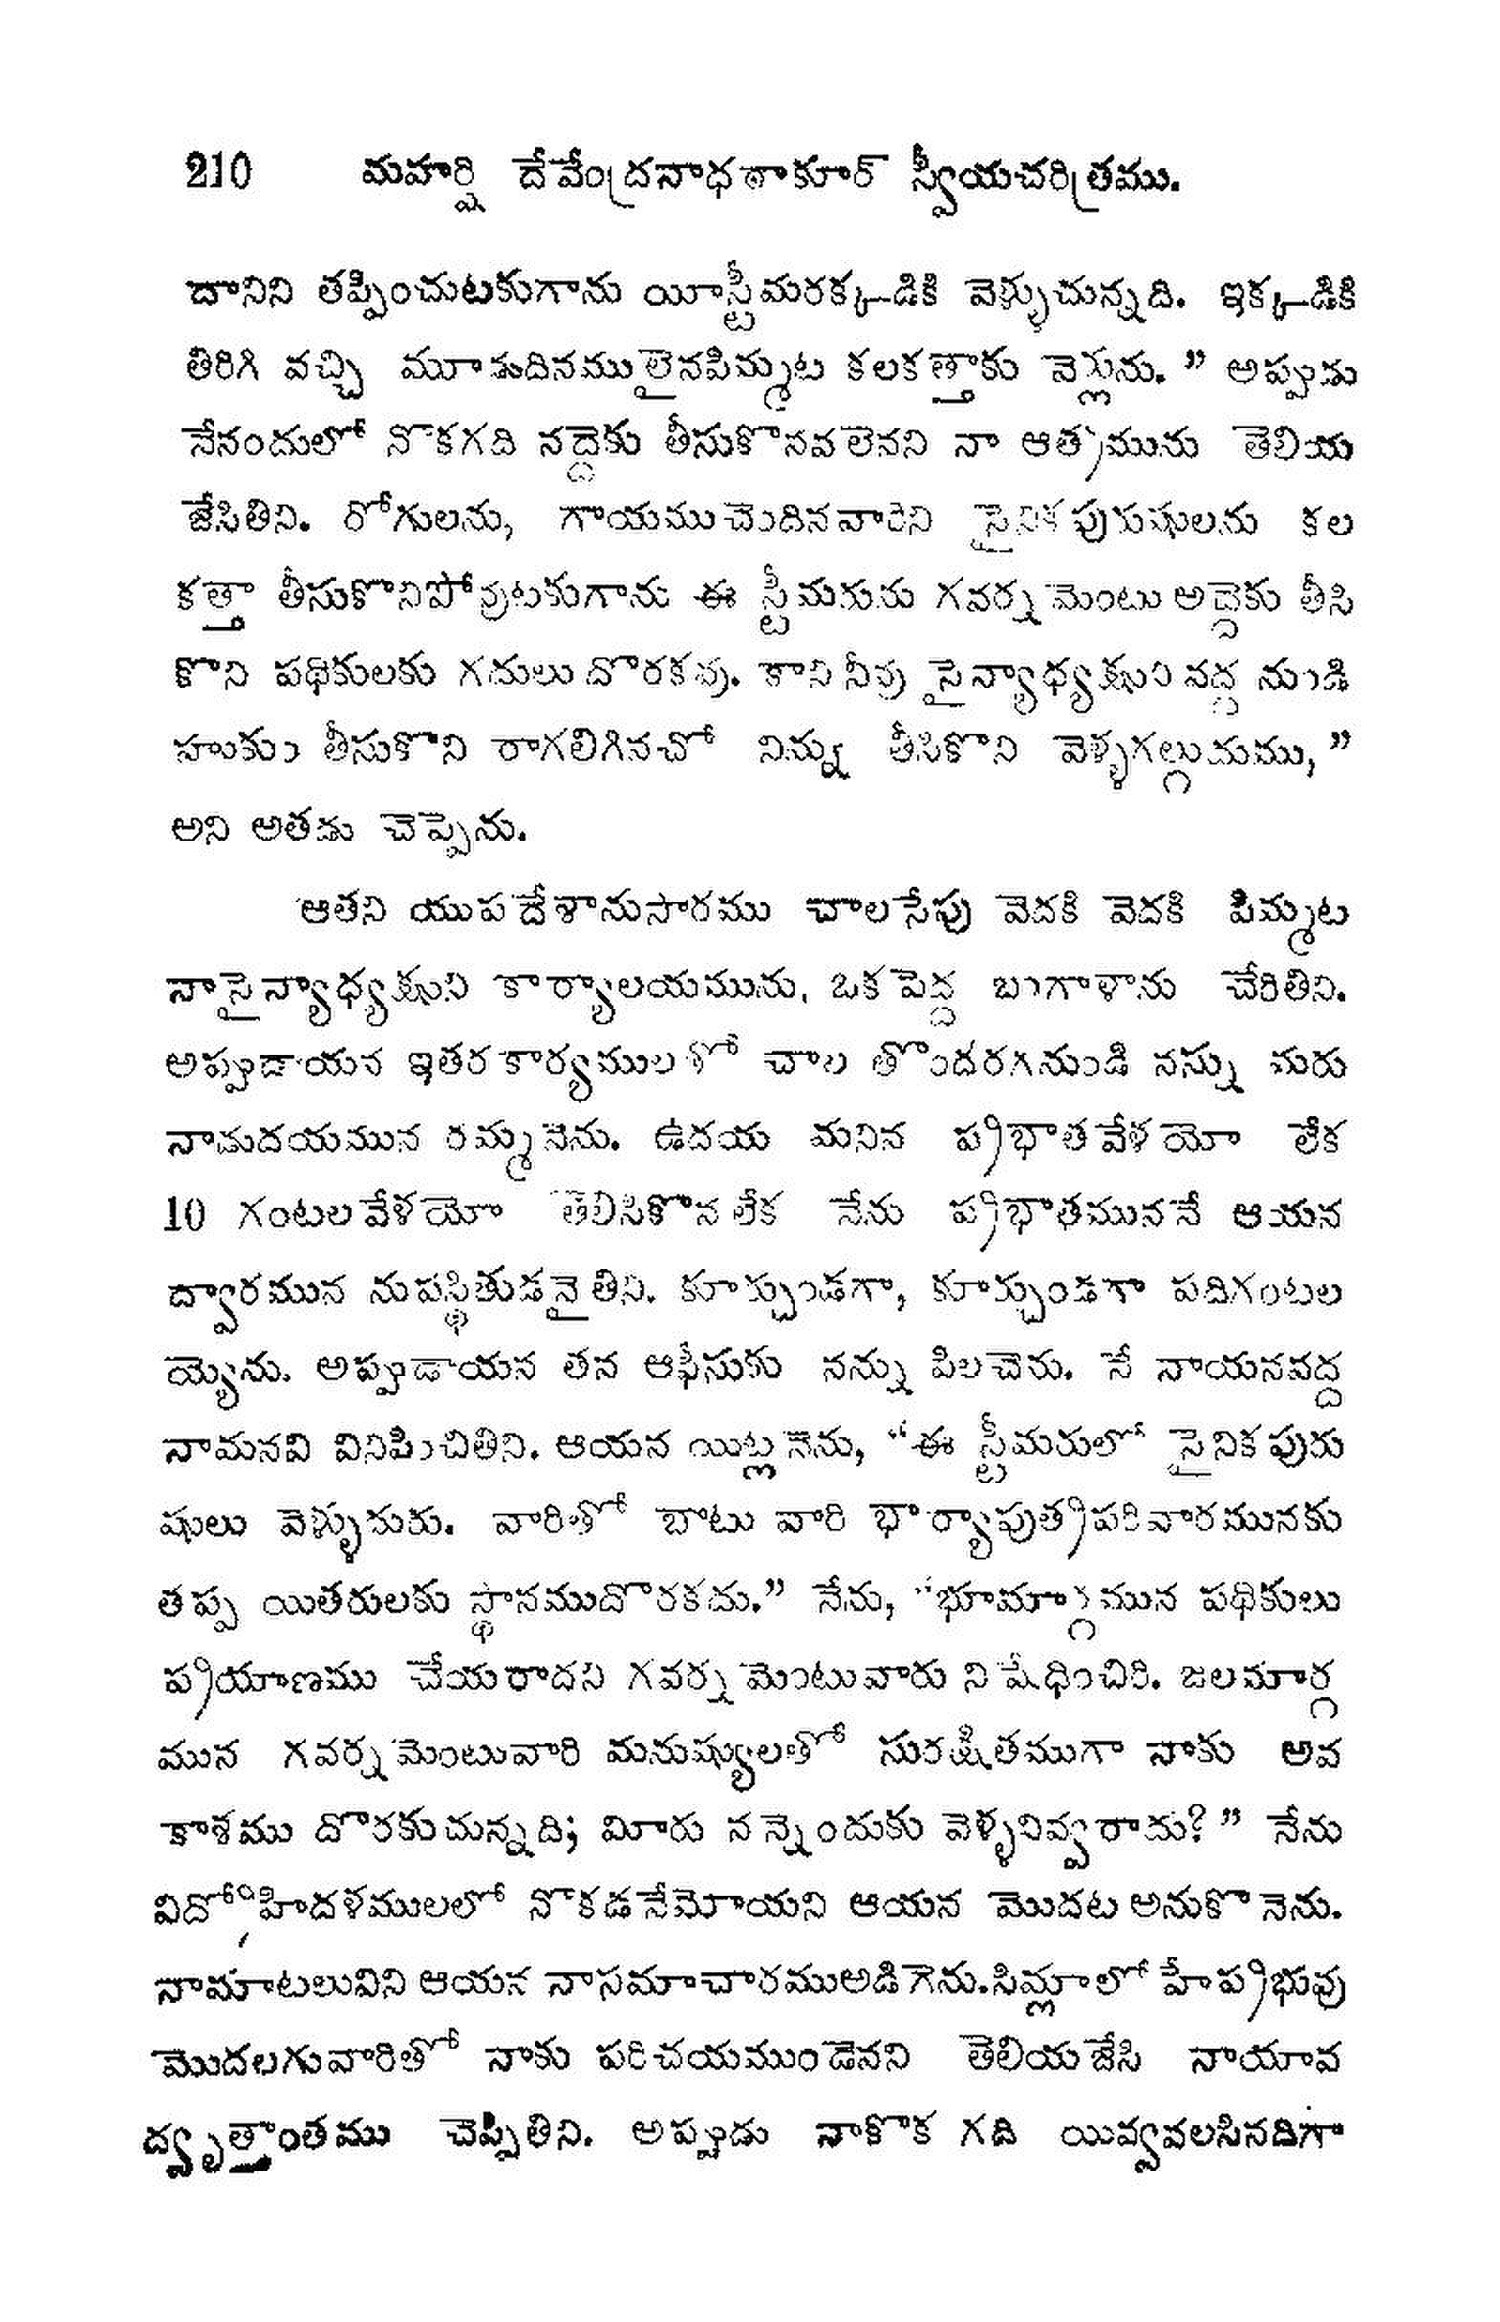దానిని తప్పించుటకు గాను యీ స్టీమరక్కడికి వెళ్ళుచున్నది. ఇక్కడికి
తిరిగి వచ్చి మూడుదినము లైన పిమ్మట కలకత్తాకు వెళ్లును. ” అప్పుడు
నేనందులో నొకగది నద్దెకు తీసుకొనవ లెనని నా ఆత్రమును తెలియ
జేసితిని. రోగులను, గాయము చెందిన వారిని సైనిక పురుషులను కల
కత్తా తీసుకొనిపోవుటకు గాను ఈ స్టీమగును గవర్నమెంటు అద్దెకు తీసి
కొనిరి పథకులకు గదులు దొరకవు. కానీ నీవు సైన్యాధ్యక్షుని వద్ద నుండి
హుకుం తీసుకొని రాగలిగినచో నిన్ను తీసికొని వెళ్ళగల్గుదుము, ”
అని అతడు చెప్పెను.

ఆతని యుప దేశానుసారము చాల సేపు వెదకి వెదకి పిమ్మట
నాసైన్యాధ్యక్షుని కార్యాలయమును, ఒక పెద్ద బగాళాను చేరితిని.
అప్పుడాయన ఇతర కార్యములో చాల తొందరగ నుండి నస్ను మరు
నాడుదయమున రమ్మ నెను. ఉదయ మనిన ప్రభాత వేళ యో లేక
10 గంటలయే తెలిసి కొన లేక నేను ప్రభాతమున నే ఆయన
ద్వారమున నుపస్థితుడనైతిని. కూర్చుడగా, కూర్చుండగా పదిగంటల
య్యెను. అప్పుడాయన తన ఆఫీసుకు నన్ను పిలచెరు. నే నాయన వద్ద
నామనవి వినిపించితిని. ఆయన యిట్లనెను, “ఈ స్టీమరులో సైనిక పురు
షులు వెళ్ళుదురు. వారితో బాటు వారి భార్యాపుత్రా పరివారమునకు
తప్ప యితరులకు స్థానము దొరకదు.” నేను, "భూమార్గమున పథికులు
ప్రయాణము చేయరాదని గవర్నమెంటు వారు నిషేధించిరి. జలమార్గ
మున గవర్నమెంటు వారి మనుష్యులతో సురక్షితముగా నాకు అవ
కాశము దొరకు చున్నది; మీరు నన్నెందుకు వెళ్ళనివ్వరాదు? " నేను
విద్రోహిదళములలో నొకడనేమోయని ఆయన మొదట అనుకొనెను.
నామాటలువిని ఆయన నాసమాచారము అడిగెను. సిమ్లాలో హే ప్రభువు
మొదలగువారితో నాకు పరిచయముండెనని తెలియ జేసి నాయావ
ద్వృత్తాంతము చెప్పితిని. అప్పుడు నాకొక గది యివ్వవలసినదిగా